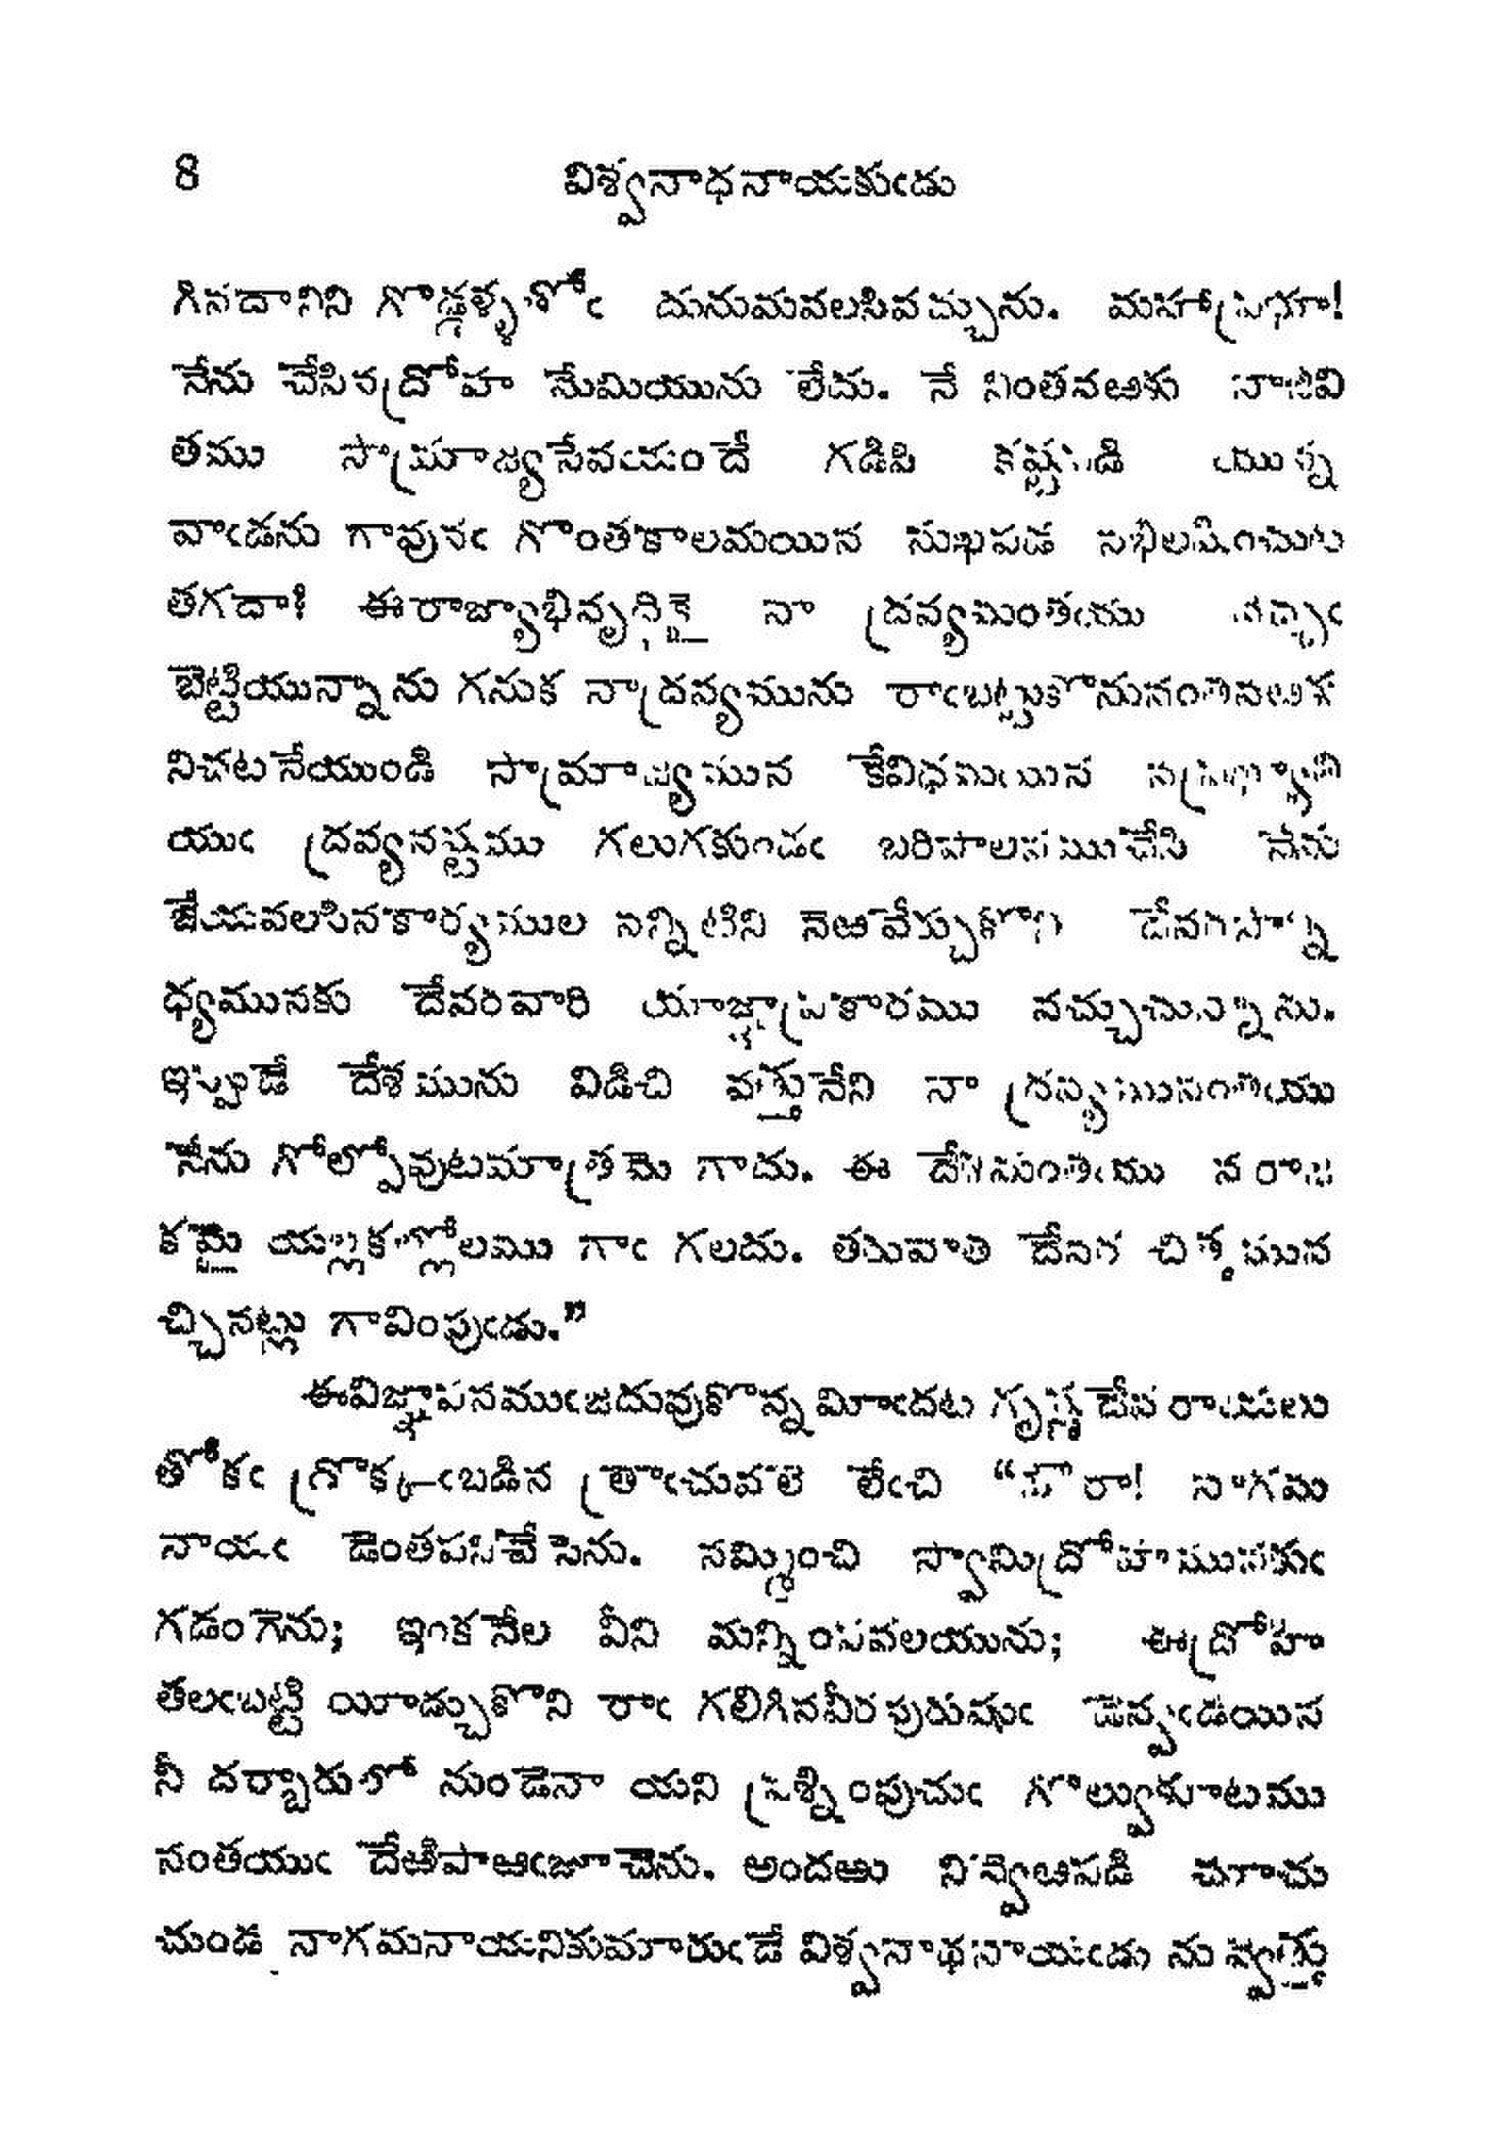గినదానిని గొడ్డళ్ళతోఁ దునుమవలసివచ్చును. మహాప్రభూ! నేను చేసినద్రోహ మేమియును లేదు. నే నింతవఱకు నాజీవితము సామ్రాజ్యసేవయందే గడిపి కష్టపడి యున్నవాఁడను గావునఁ గొంతలాలమయిన సుఖపడ నభిలషించుట తగదా? ఈరాజ్యాభివృద్ధికై నా ద్రవ్యమంతయు వెచ్చఁ బెట్టియున్నాను గనుక నాద్రవ్యమును రాఁబట్టుకొనునంతవఱకు నిచటనేయుండి సామ్రాజ్యమున కేవిధమయిన నప్రఖ్యాతియుఁ ద్రవ్యనష్టము గలుగుకుండఁ బరిపాలనముచేసి నేను జేయవలసినకార్యముల నన్నిటిని నెఱవేర్చుకొని దేవరసాన్నిధ్యమునకు దేవరవారి యాజ్ఞాప్రకారము వచ్చుచున్నాను. ఇప్పుడే దేశమును విడిచి వత్తునేని నా ద్రవ్యమునంతయు నేను గోల్పోవుటమాత్రమె గాదు. ఈ దేశమంతయు నరాజకమై యల్లకల్లోలము గాఁ గలదు. తరువాత దేవర చిత్తమువచ్చినట్లు గావింపుఁడు."

ఈవిజ్ఞాపనముఁజదువుకొన్నమీఁదట గృష్ణదేవరాయలు తోకఁ ద్రొక్కఁబడిన త్రాఁచువలె లేఁచి "ఔరా! నాగమనాయఁ డెంతపనిచేసెను. నమ్మించి స్వామిద్రోహమునకుఁ గడంగెను; ఇంకనేల వీని మన్నింపవలయును; ఈద్రోహి తలఁబట్టి యీడ్చుకొని రాఁ గలిగినవీరపురుషుఁ డెవ్వఁడయిన నీ దర్బారులో నుండెనా యని ప్రశ్నింపుచుఁ గొల్వుకూటము నంతయుఁ దేఱిపాఱఁజూచెను. అందఱు నివ్వెఱపడి చూచు చుండ నాగమనాయనికుమారుఁడే విశ్వనాథనాయఁడు నువ్వెత్తు